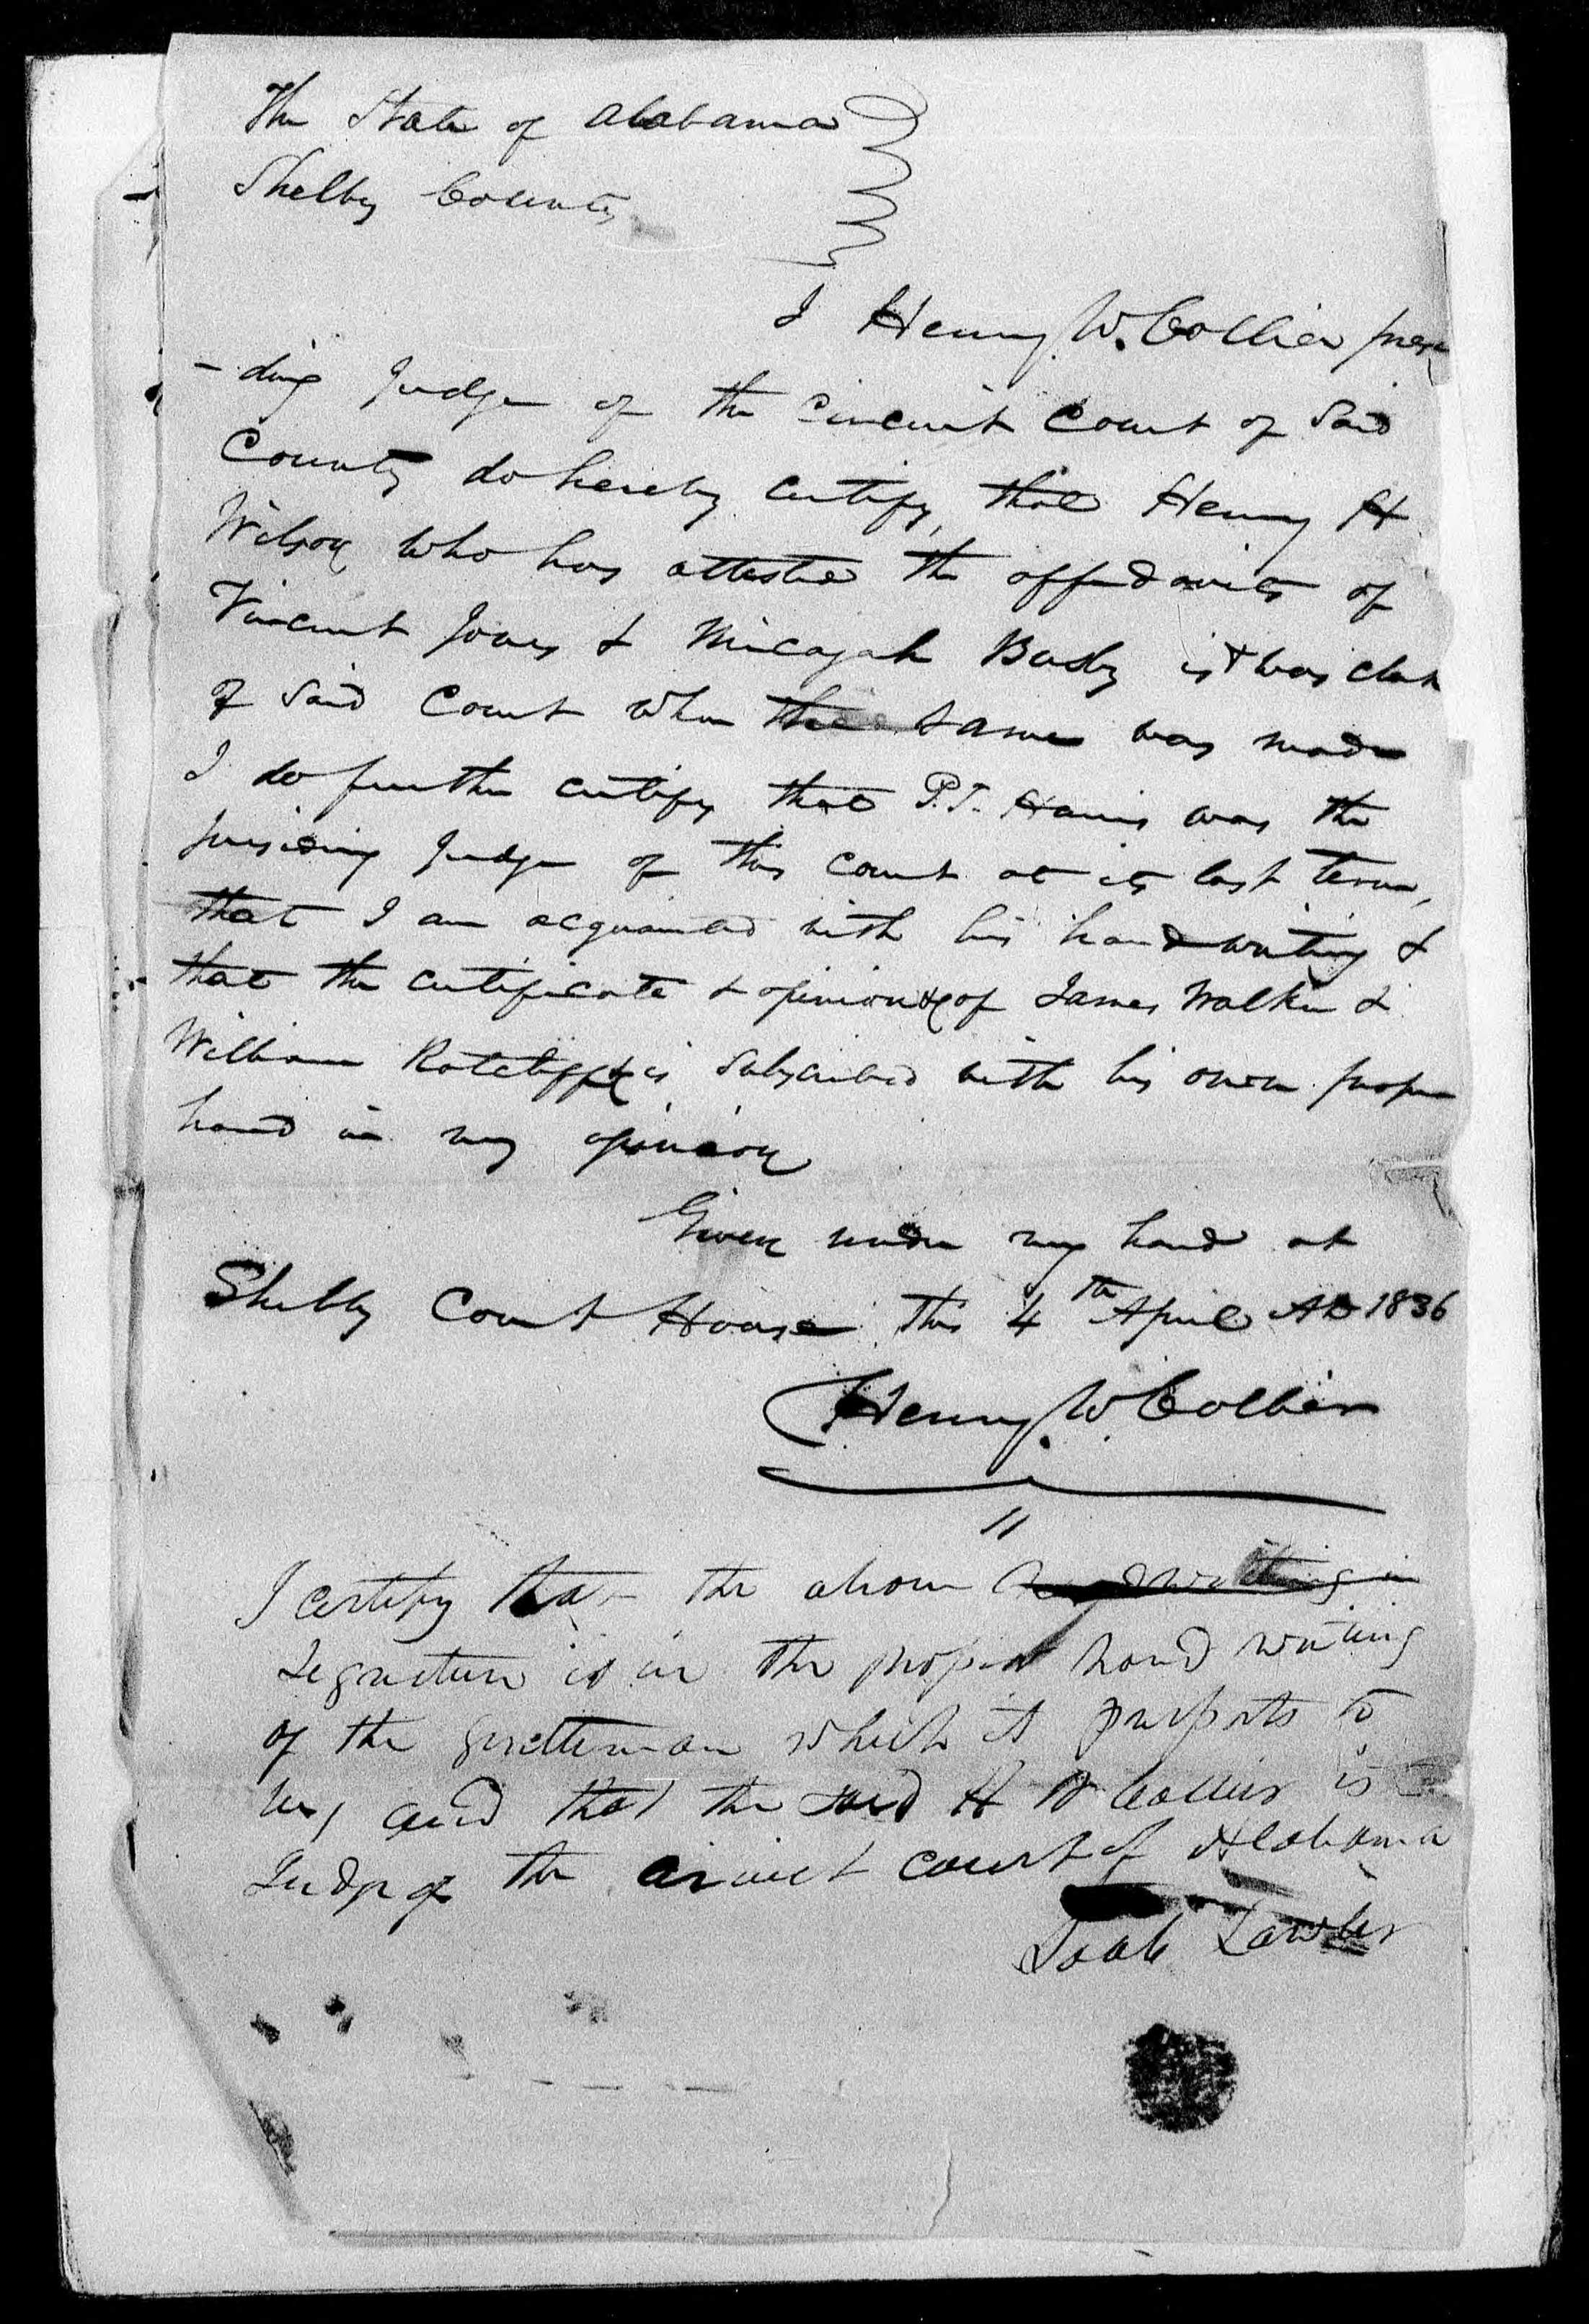[ The State of Alabama Shelby County ] I Henry W. Collier  presiding Judge of the Circuit Court of said County  do hereby certify that  Henry H. Wilson  who has attested the affidavits of  Vincent Jones  & Micajah Busby  is & was  clerk of said Court when the same was made. I do further certify that  P.T. Harris  was the presiding Judge of this  Court at its  last term , that I am acquainted with his hand writing  & that  the certificate  & opinion of James Walker  & William Ratliff is subscribed with his own proper hand writing  in my opinion. Given under my hand at Shelby Court House this 4th  April  A.D. 1836.  Henry W. Collier ( signed )  I certify that the above  signature is in the proper hand writing  of the  gentleman which it purports to be  and that the said   H W Collier is Judge of the Circuit Court of Alabama . Joab Lawler ( signed )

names: James Walker, William Ratcliff, Henry H Wilson, Vincent Jones, Micajah Busby, Henry W Collier, Joab Lawler, P T Harris, Henry W Collier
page: 13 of 18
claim: survivor's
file: S. 10,773, Henry Gragg, S.C.